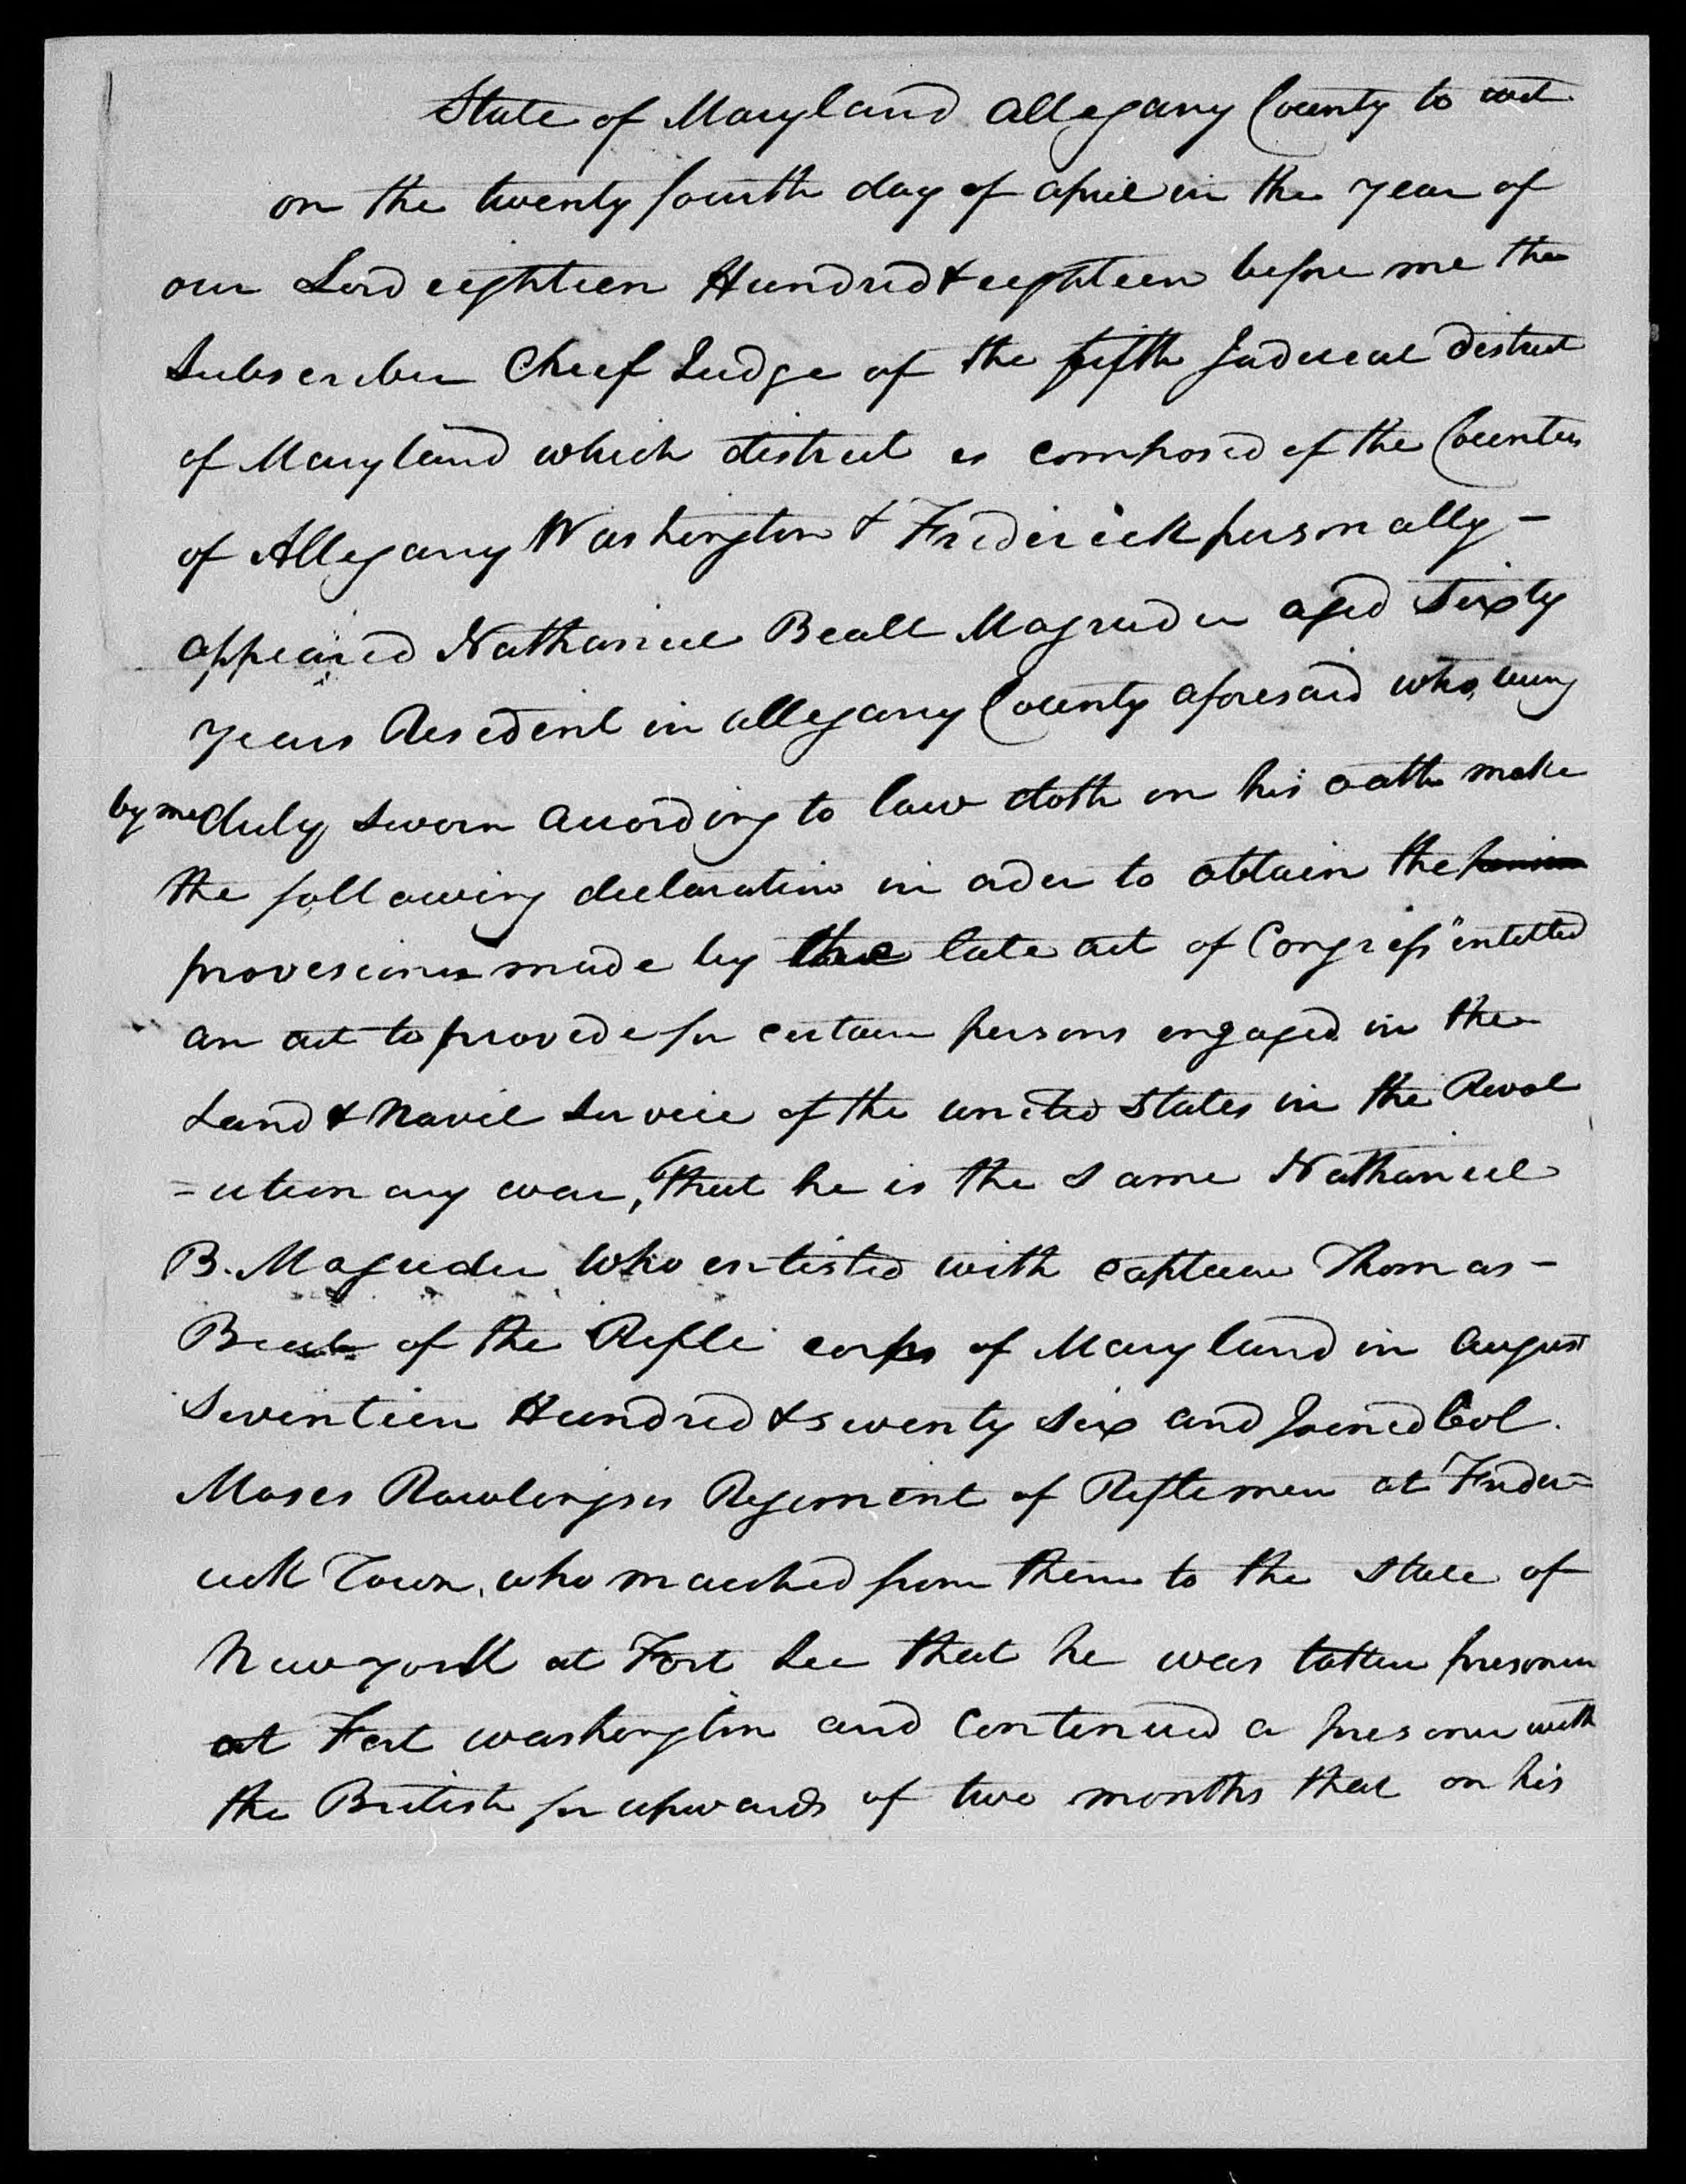State of Maryland Allegany County to wit 
on the twenty fourth day of April in the year of our Lord eighteen Hundred & eighteen before  me the Subscriber Chief Judge of the fifth Judicial District of Maryland which district is composed of the Counties of Allegany Washington & Frederick personally appeared Nathaniel Beall Magruder aged Sixty years Resident in Allegany County aforesaid who being by me duly sworn according to law doth on his oath make the following declarations in order to obtain the provisions made by the late act of Congress "entitled an act to provide for certain persons engaged in the Land & Naval Service of the United States in the Revolutionary War, That he is the same Nathaniel B. Magruder who enlisted with Captain Thomas Beall of the Rifle Corps of Maryland in August Seventeen Hundred & seventy Six and joined Col. Moses Rawlings's Regiment of Riflemen at Frederick Town, who marched from there to the State of New York at Fort Lee that he was taken prisoner at Fort Washington and continued a prisoner with the British for upwards of two months that on his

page: 4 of 13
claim: survivor's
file: S. 34973, for Nathaniel Beale Magruder, Maryland